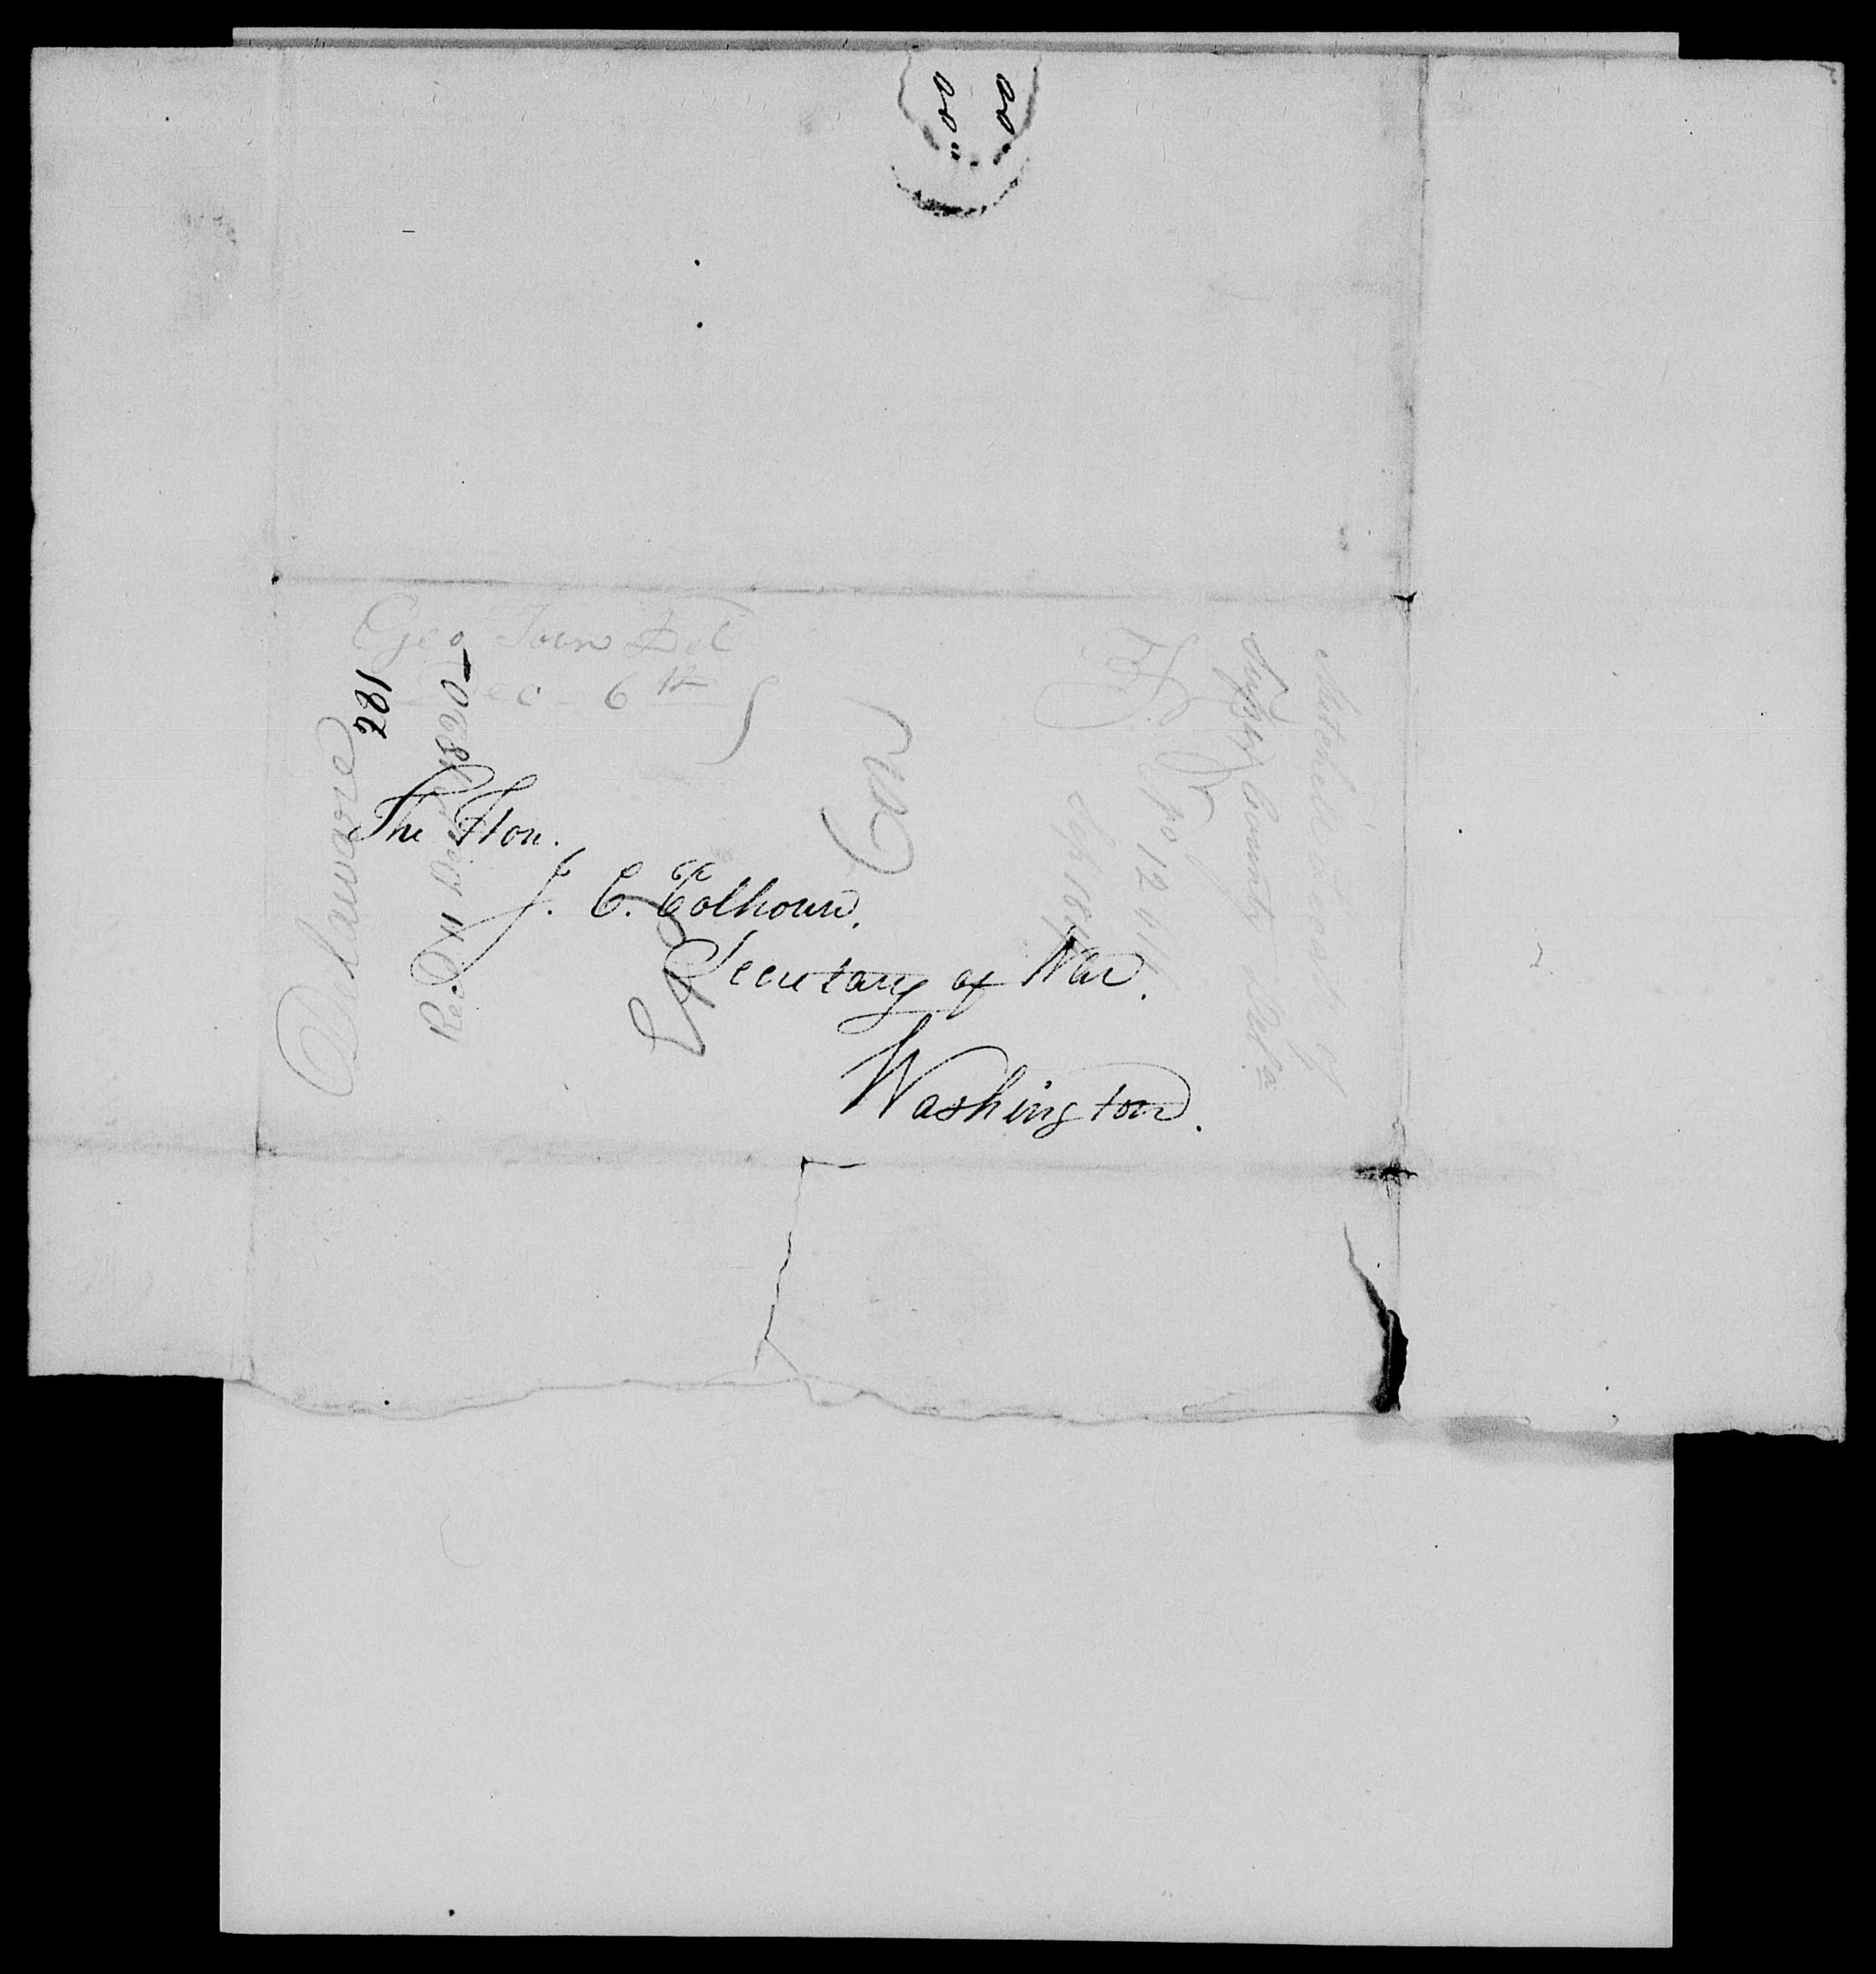The Hon. 
J.C. Colhoun
Secretary of War
Washington.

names: J C Colhoun; Mitchell Lecatt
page: 7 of 12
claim: survivor's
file: S. 36,040, for Mitchell Lecatt, Delaware